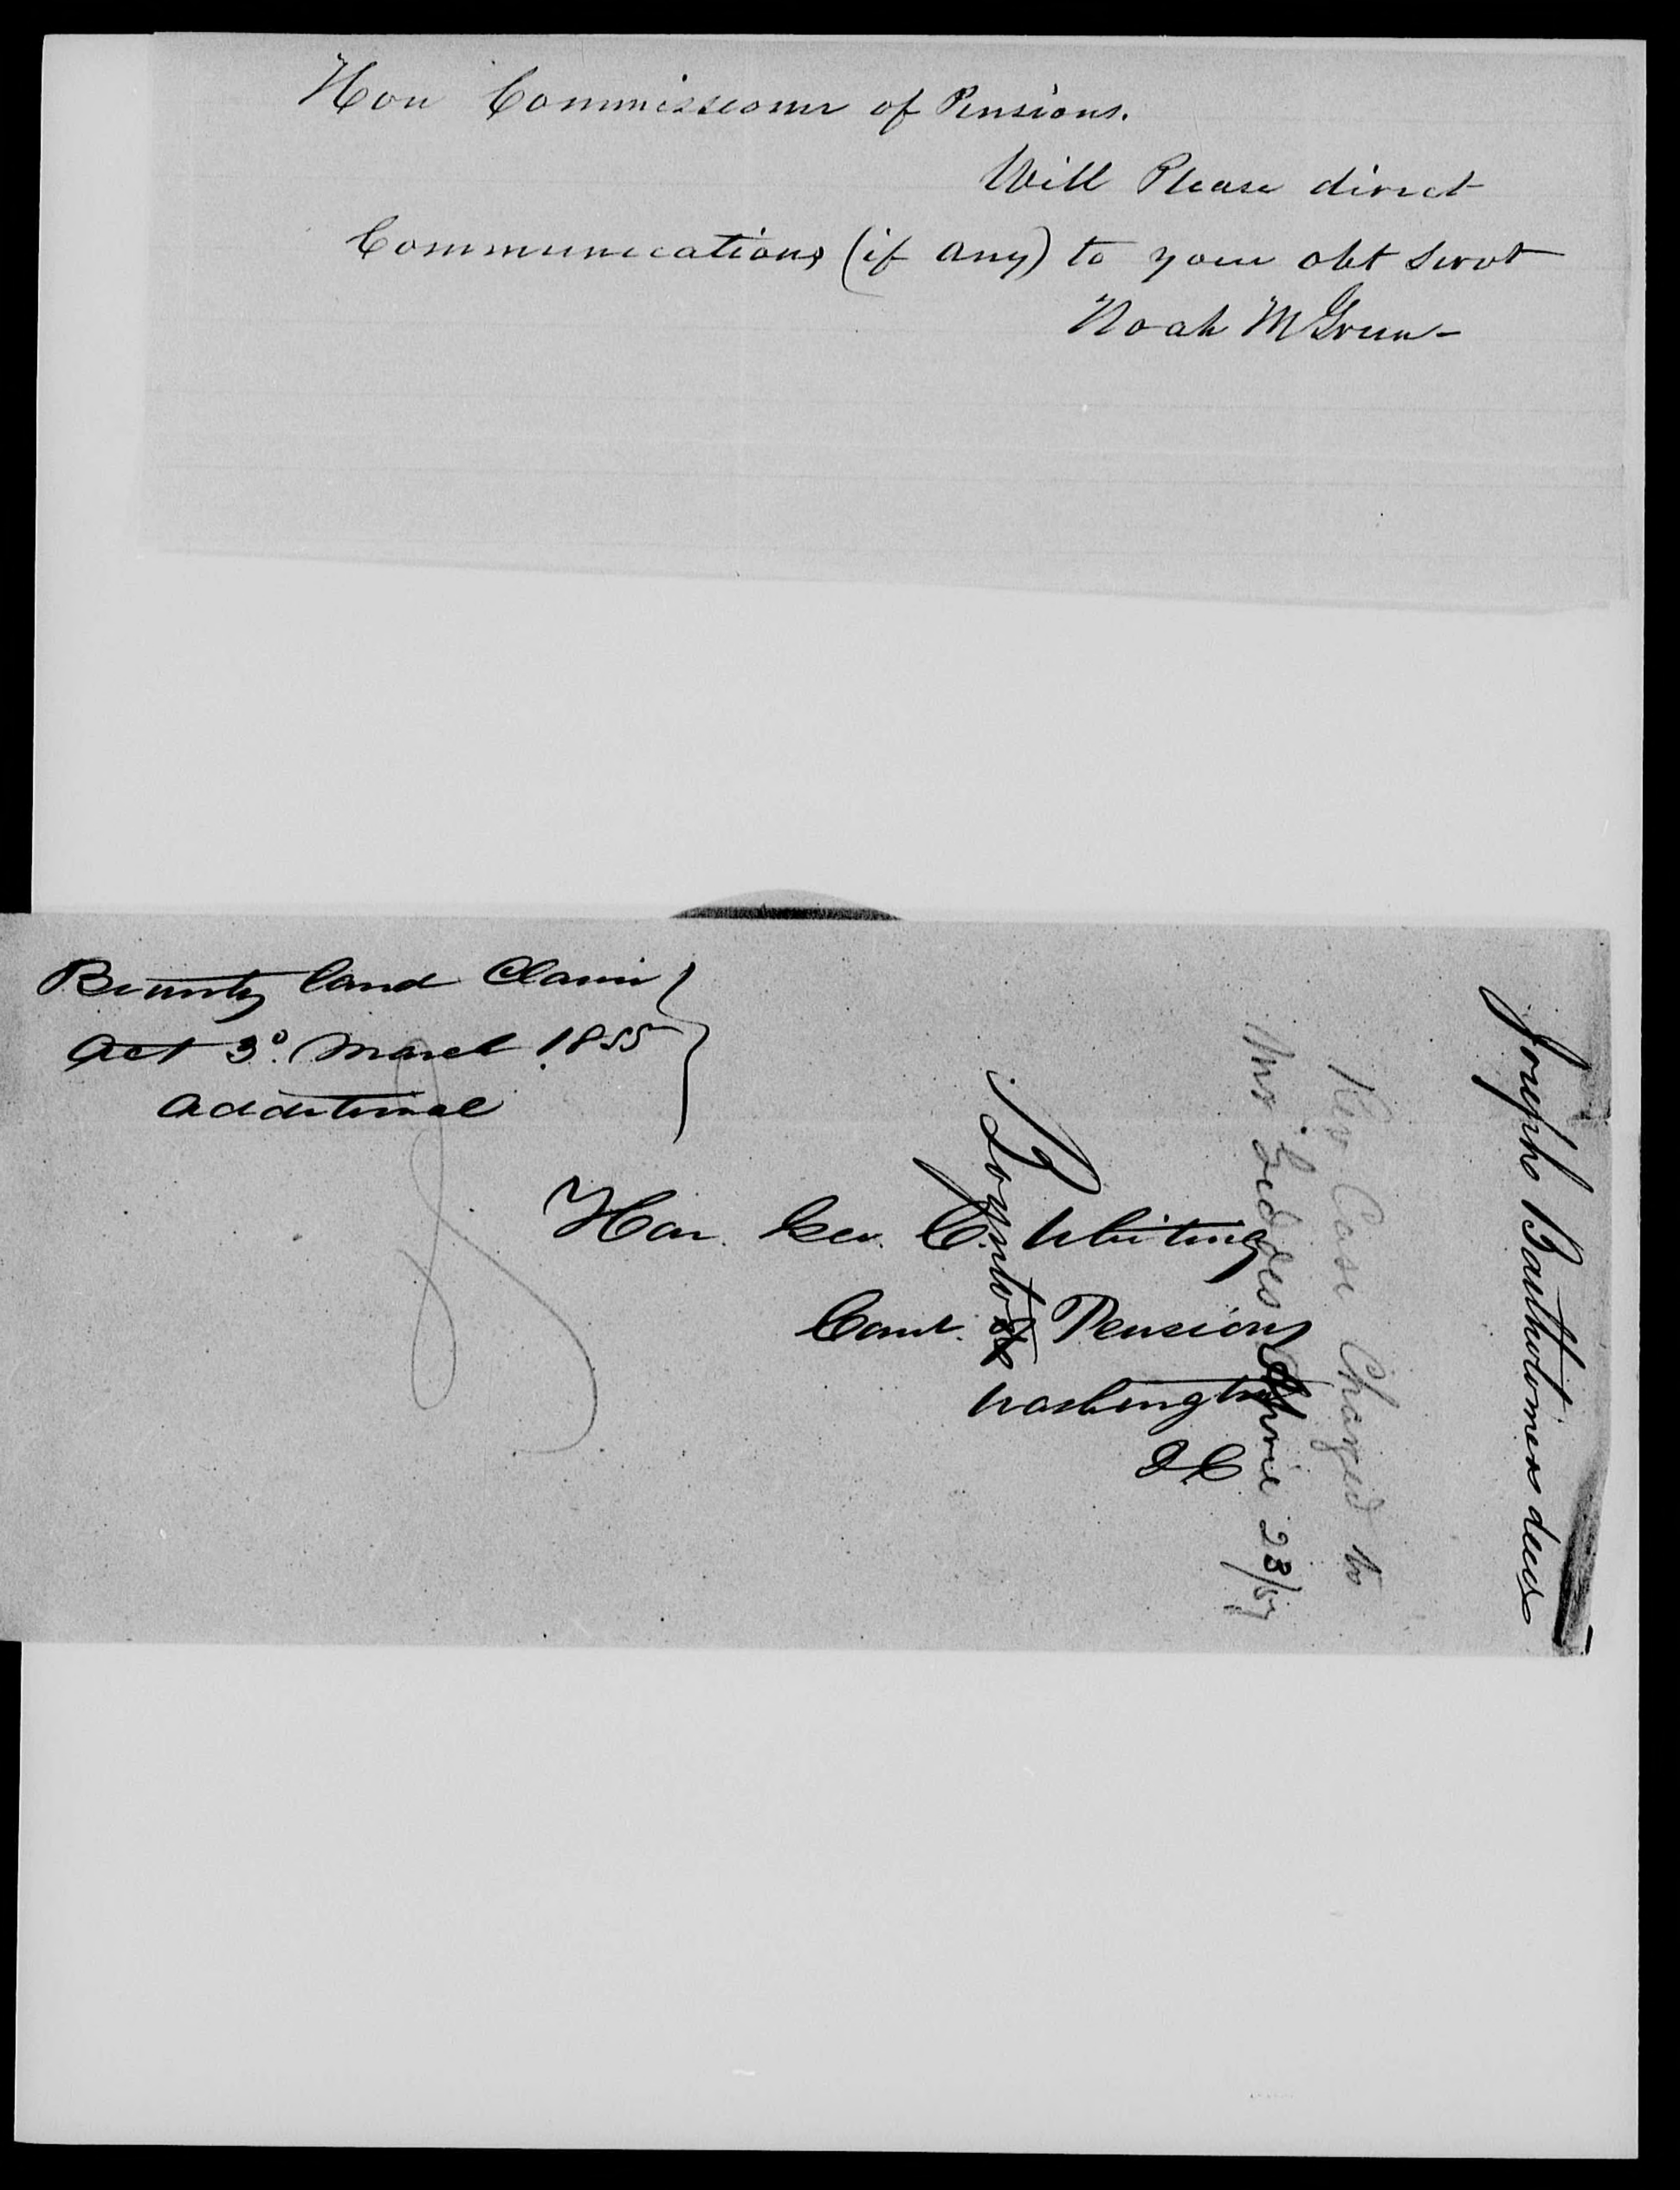Hon Commissioner of Pensions
Will Please direct Communications (if any) to your obt svt
Noah M Green


Bounty land laim
Act 3rd March 1855
Additional

Hon. Geo. C. Whiting
Comm. of Pensions
Washington DC

[Vertical on right]
Joseph Bartholomew dec'd

Rev. Case Changed to 
Mr Geddes April 23/57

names: Giddes Omrie, Geo C Whiting, Joseph Bartholomew, Noah M Green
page: 23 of 76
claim: widow's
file: W. 9345, Joseph Bartholomew, Conn.